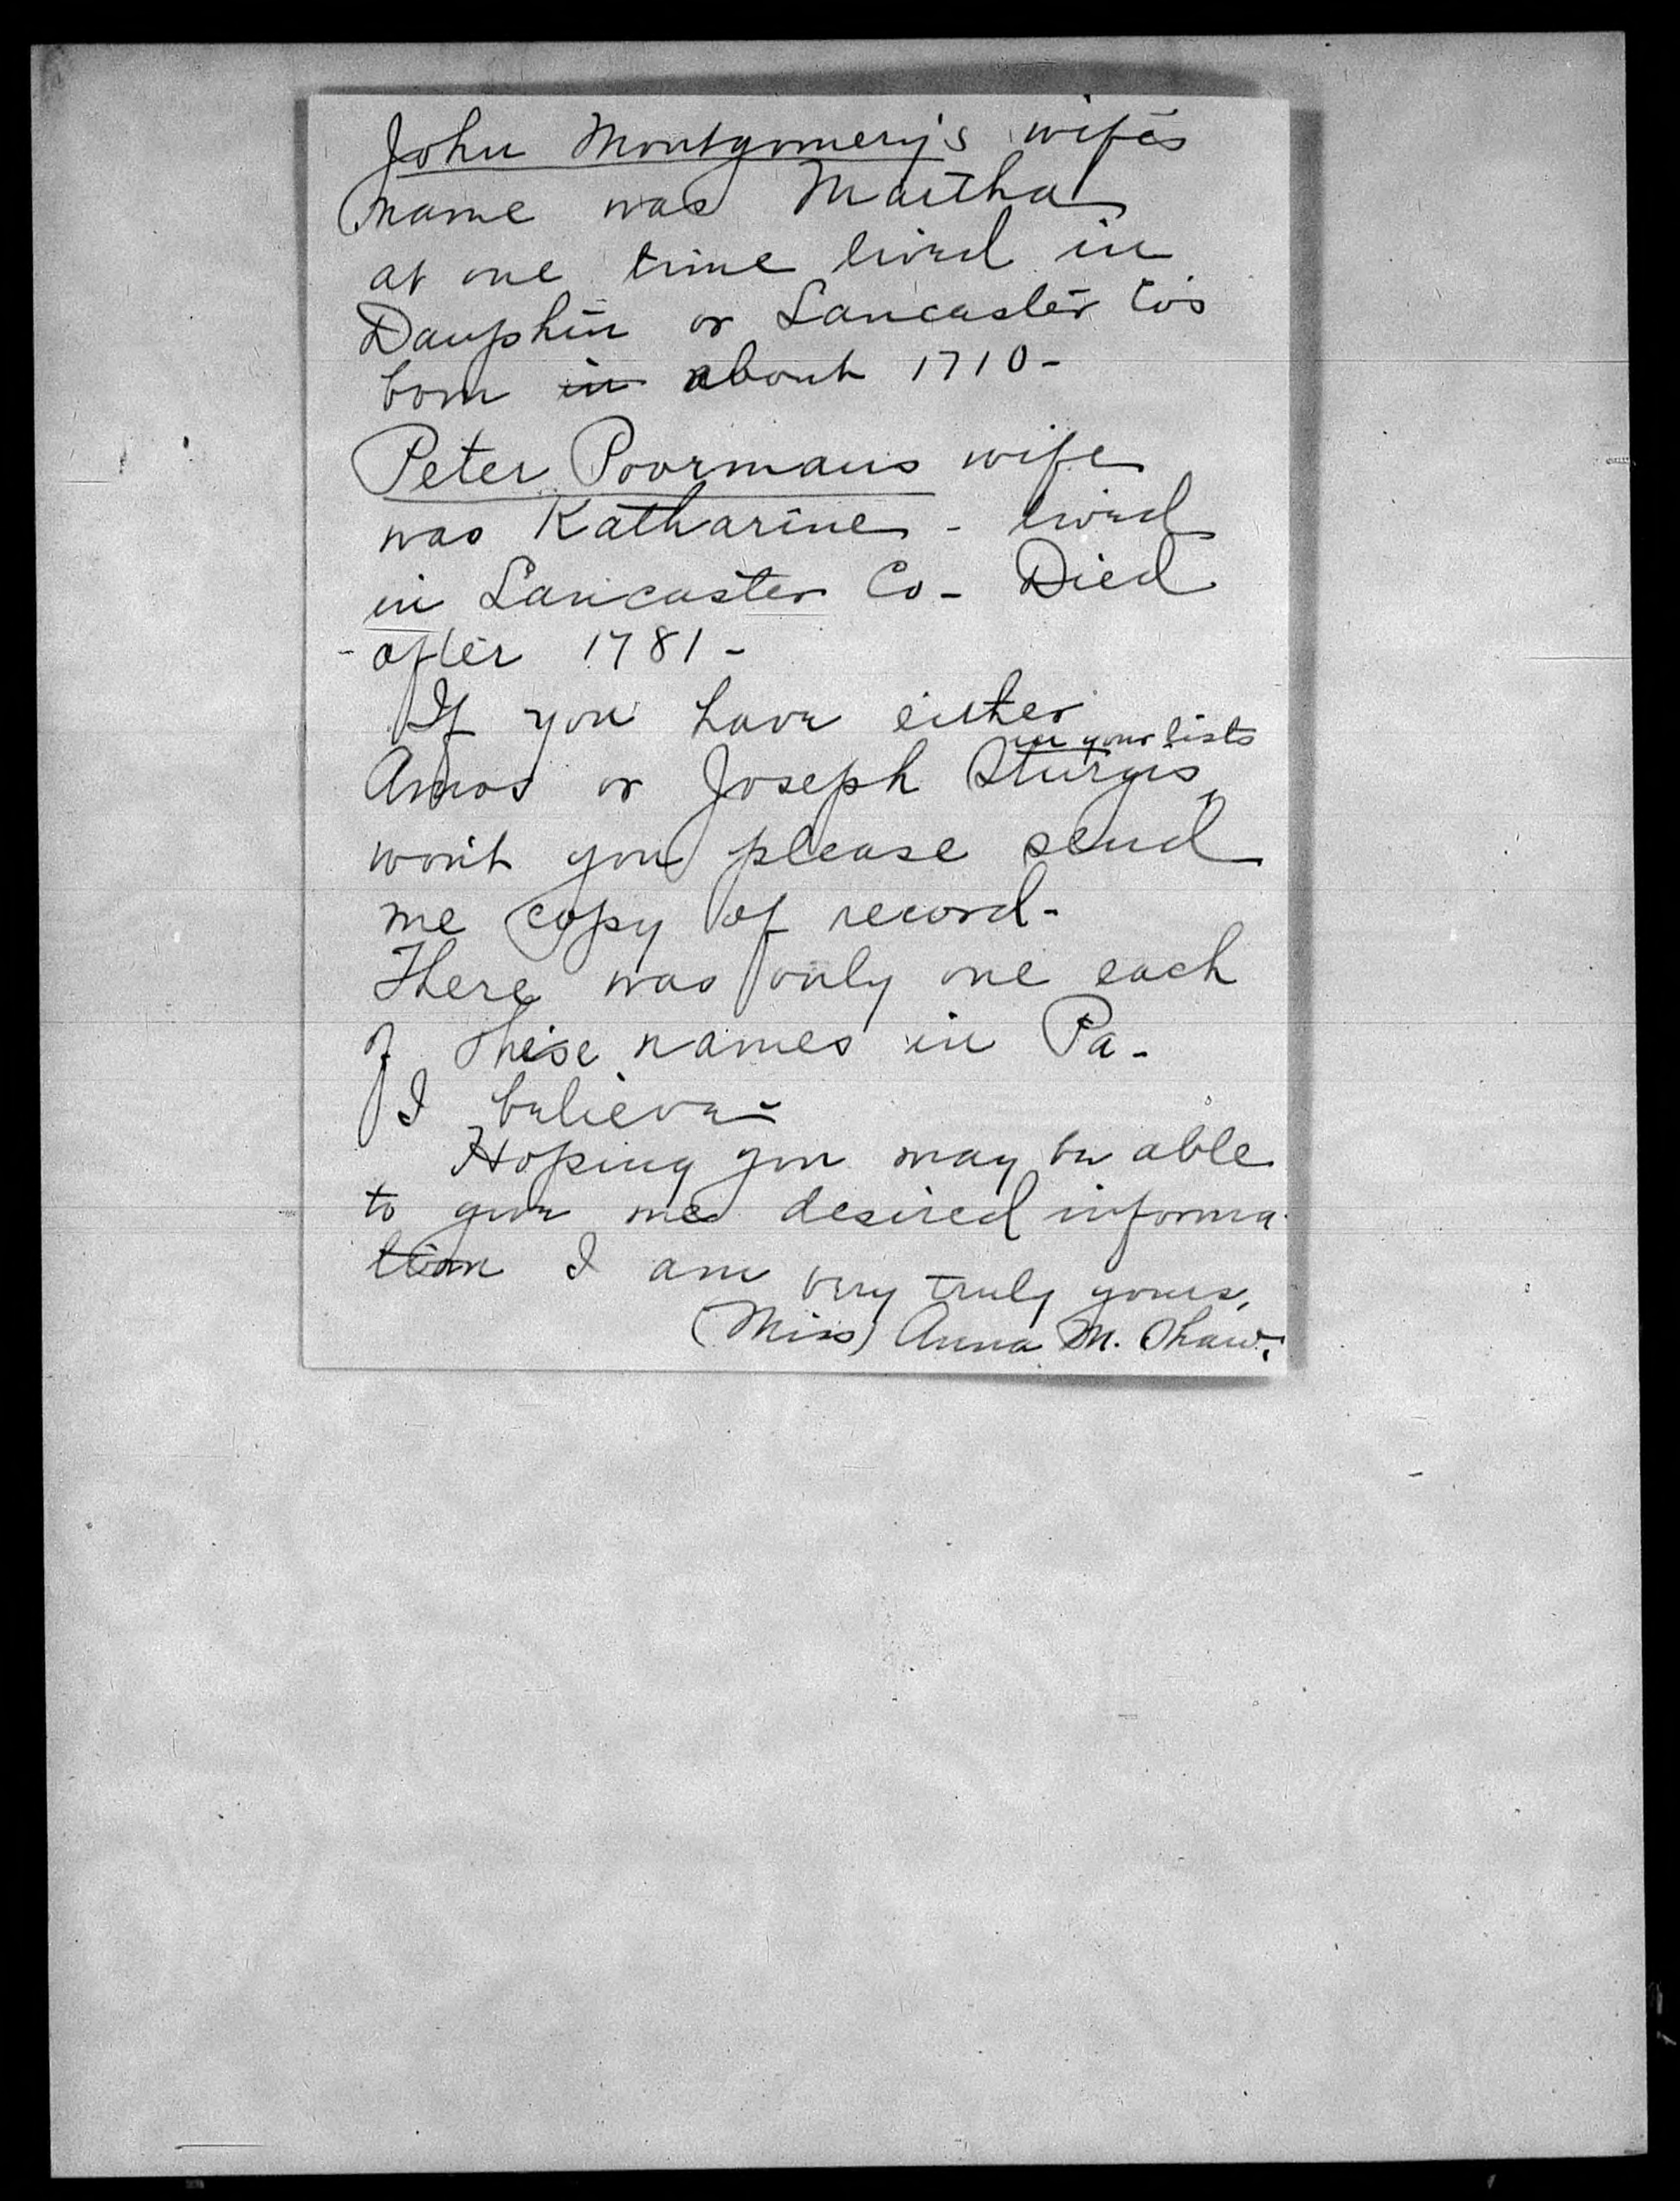John Montgomery's wifes name was Martha at one time lived in Dauphin or Lancaster Co’s   born in about 1710 -              
Peter Poormans wife was Katharine - lived in Lancaster Co. Died after 1781 – 
If you have either Amos or Joseph Sturgis see your lists will you please send me copy of record - There was only one each these names in Pa I believe             
Hoping you may be able to give me desired information  
I am very truly yours, 
(Miss) Anna M. Shaw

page: 24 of 31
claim: survivor's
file: S. 6154, for Joseph Sturgis, Pennsylvania